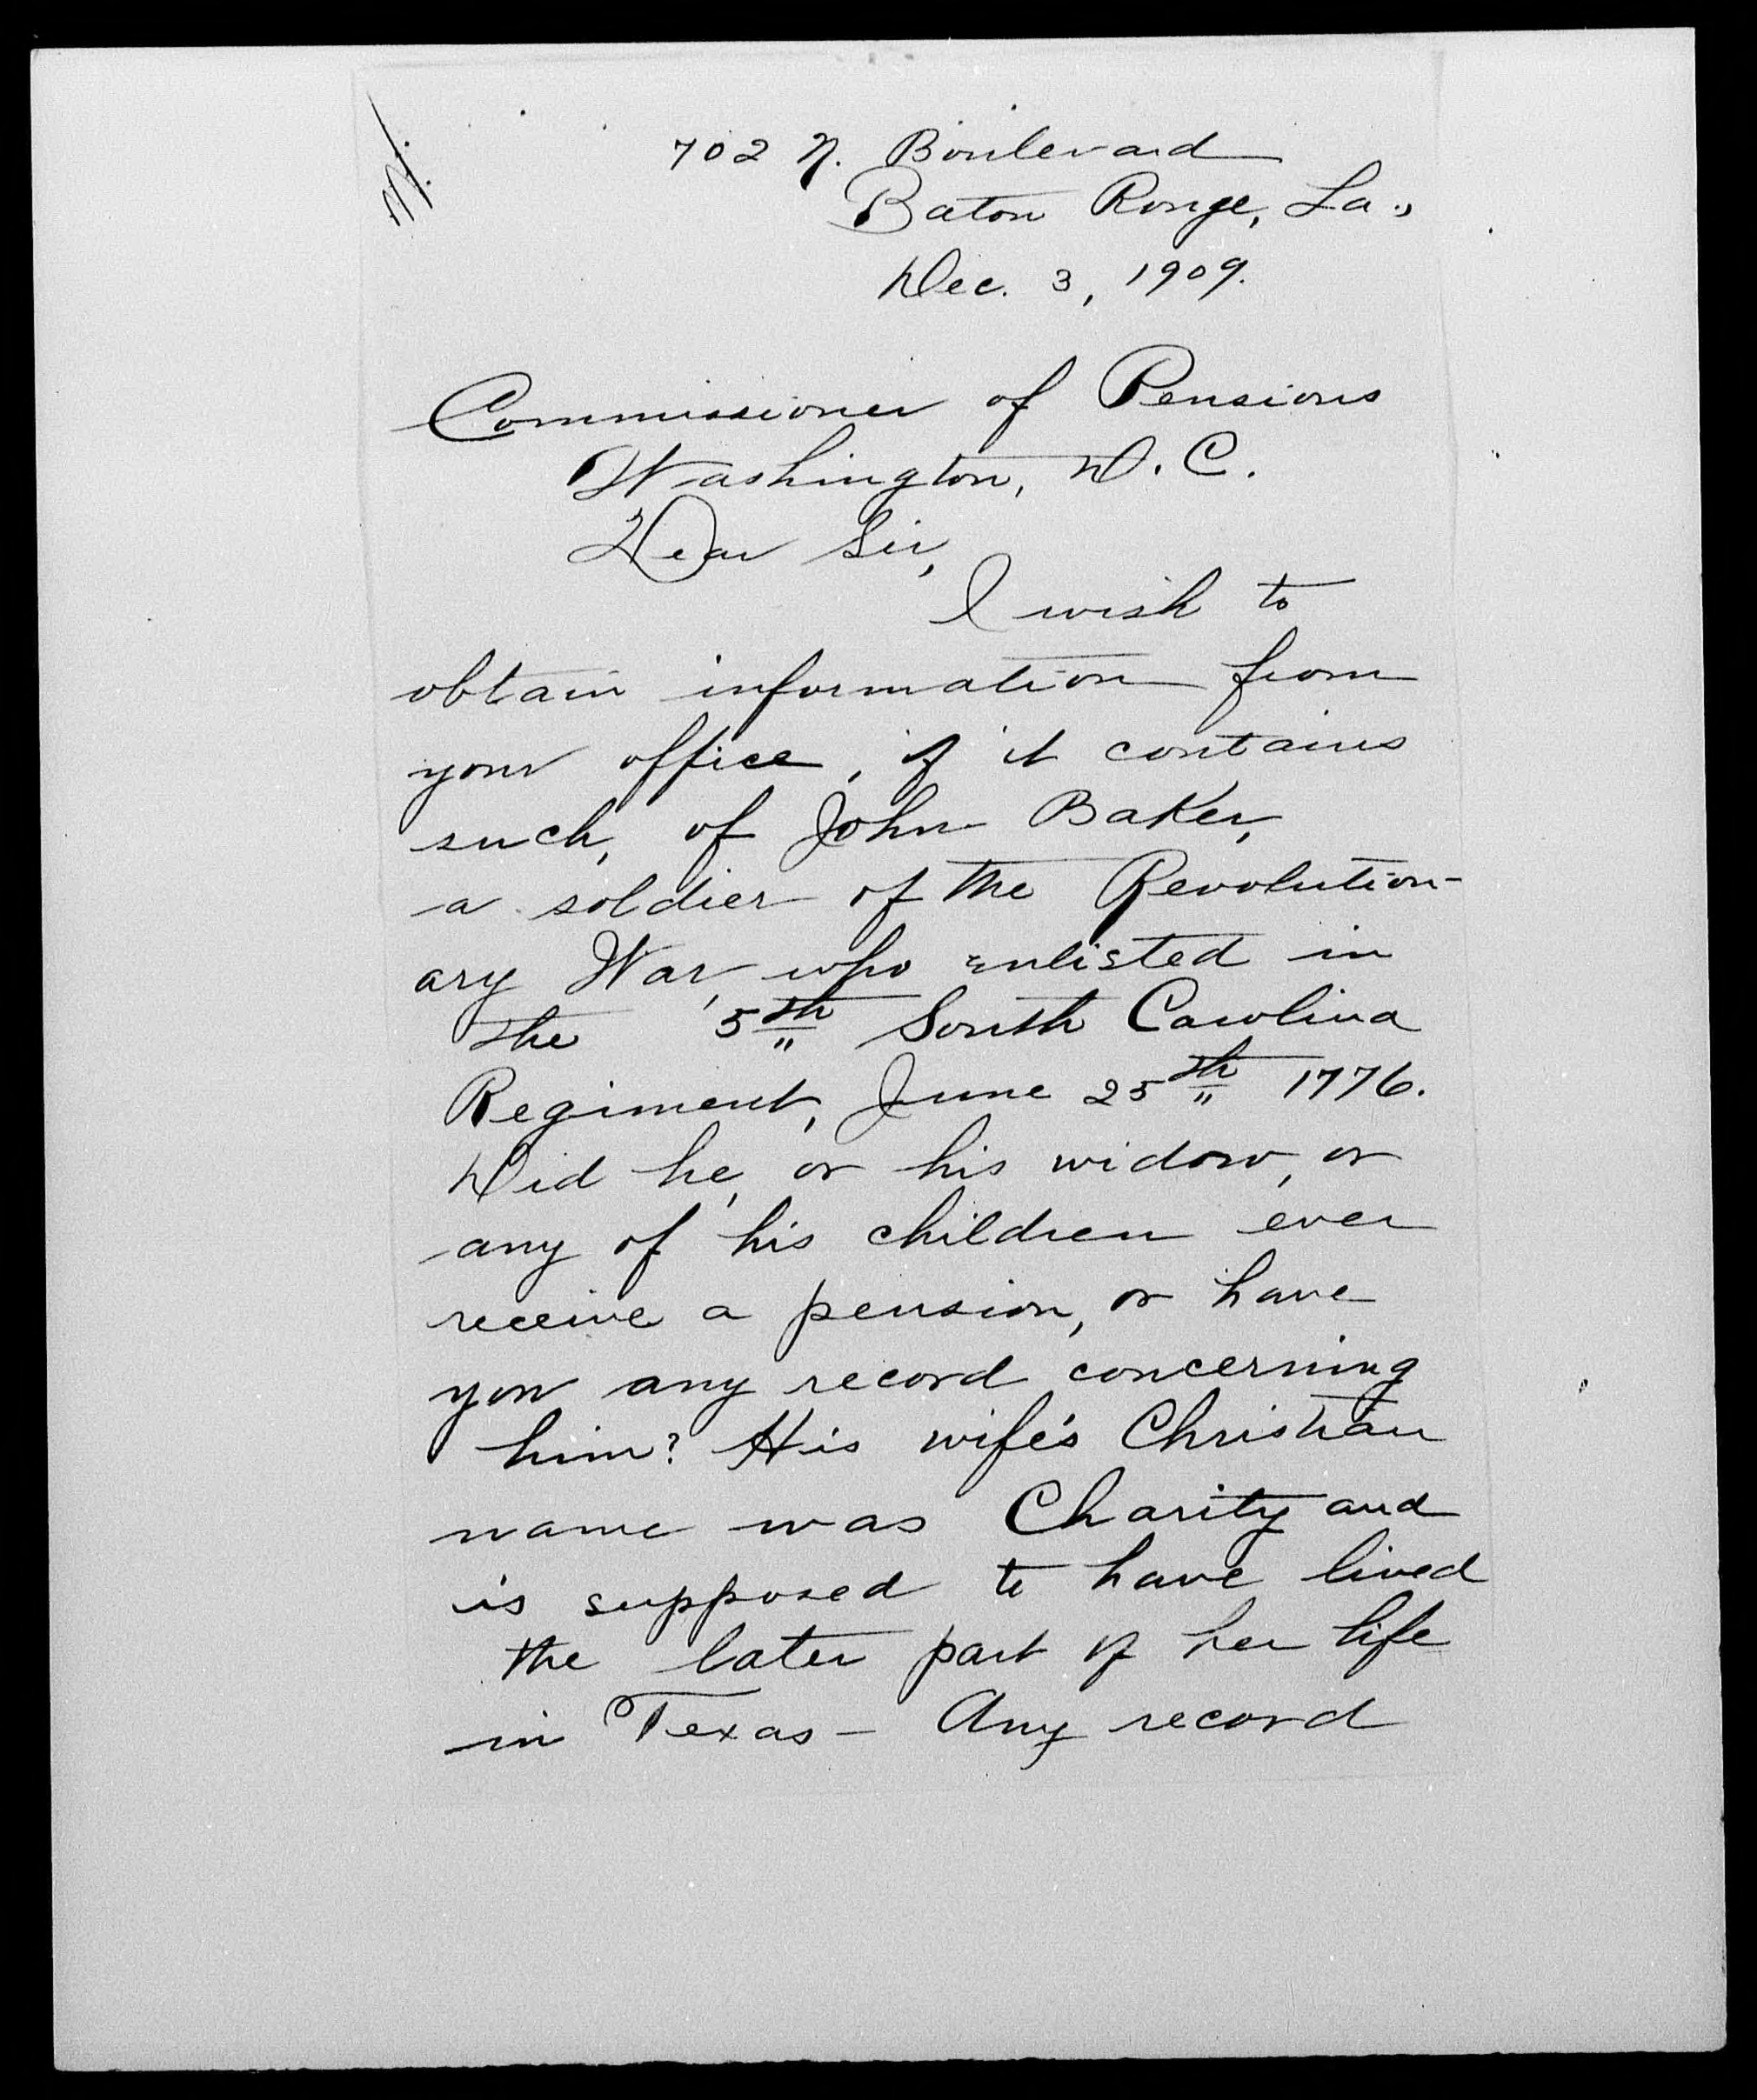702 N. Boulevard
Baton Rouge, La.
Dec. 3, 1909
Commissioner of Pensions
Washington, D.C
Dear Sir,
I wish to obtain information from your office, if it contains such, of John Baker,
a soldier of the Revolutionary War who enlisted in the 5th South Carolina Regiment, June 25th 1776. Did he or his widow, or any of his children ever receive a pension, or have you any record concerning him? His wife's Christian
name was Charity and is supposed to have lived the later part of her life in Texas. Any record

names: John Baker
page: 19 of 27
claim: rejected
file: R. 406, John Baker, S.C.